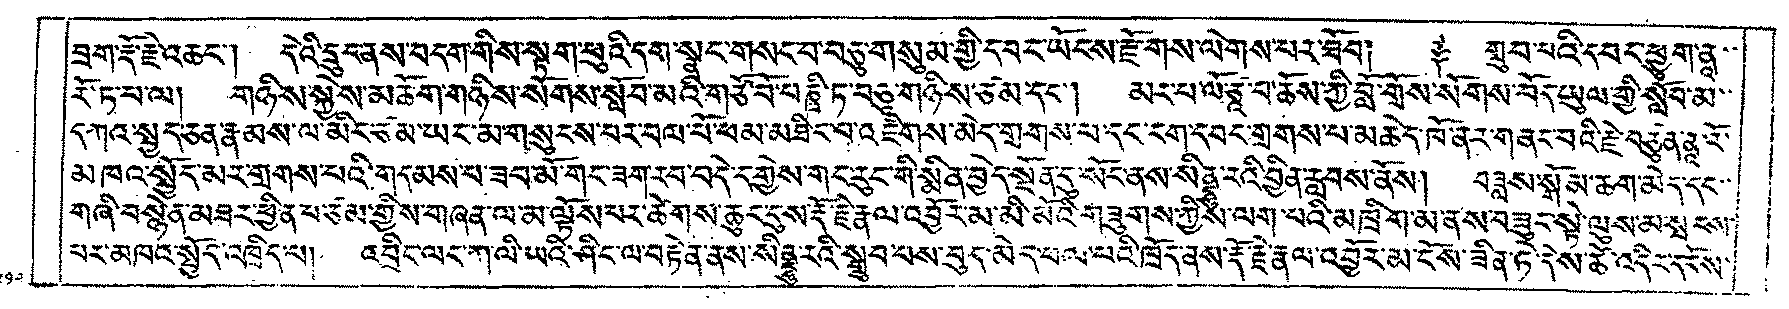བྲག་རྡོ་རྗེ་འཆང་། དེའི་དྲུང་ནས་བདག་གིས་སྟག་ཕུའི་དག་སྣང་གསང་བ་བཅུ་གསུམ་གྱི་དབང་ཡོངས་རྫོགས་ལེགས་པར་ཐོབ། ༈ གྲུབ་པའི་དབང་ཕྱུག་ནཱ་
རོ་ཏ་པ་ལ། གཉིས་སྐྱེས་མཆོག་གཉིས་སོགས་སློབ་མའི་གཙོ་བོ་པཎྜི་ཏ་བཅུ་གཉིས་ཙམ་དང་། མར་པ་ལོ་ཙཱ་བ་ཆོས་ཀྱི་བློ་གྲོས་སོགས་བོད་ཡུལ་གྱི་སློབ་མ་
དཀའ་སྤྱད་ཅན་རྣམས་ལ་མིང་ཙམ་ཡང་མ་གསུངས་པར་བལ་པོ་ཕམ་མཐིང་པ་འཇིགས་མེད་གྲགས་པ་དང་ངག་དབང་གྲགས་པ་མཆེད་ཁོ་ནར་གནང་བའི་རྗེ་བཙུན་ནཱ་རོ་
མཁའ་སྤྱོད་མར་གྲགས་པའི་གདམས་པ་ཟབ་མོ་གང་ཟག་རབ་བདེ་དགྱེས་གང་རུང་གི་སྨིན་བྱེད་སྔོན་དུ་སོང་ནས་སིནྡྷུ་རའི་བྱིན་རླབས་ནོས། བཟླས་སྒོམ་ཆག་མེད་དང་
གཞི་བསྙེན་མཐར་ཕྱིན་པ་ཙམ་གྱིས་གཞན་ལ་མ་ལྟོས་པར་ཚེགས་ཆུང་དུས་རྡོ་རྗེ་རྣལ་འབྱོར་མ་མི་མོའི་གཟུགས་ཀྱིས་ལག་པའི་མཁྲིག་མ་ནས་བཟུང་སྟེ་ལུས་མ་སྤངས་
པར་མཁའ་སྤྱོད་འཁྲིད་པ། འབྲིང་ལང་ཀ་ལི་ཡའི་ཤིང་ལ་བརྟེན་ནས་སིནྡྷུ་རའི་སྒྲུབ་པས་བུད་མེད་ཕལ་པའི་ཁྲོད་ནས་རྡོ་རྗེ་རྣལ་འབྱོར་མ་ངོས་ཟིན་ཏེ་དེས་ཚེ་འདིར་དངོས་